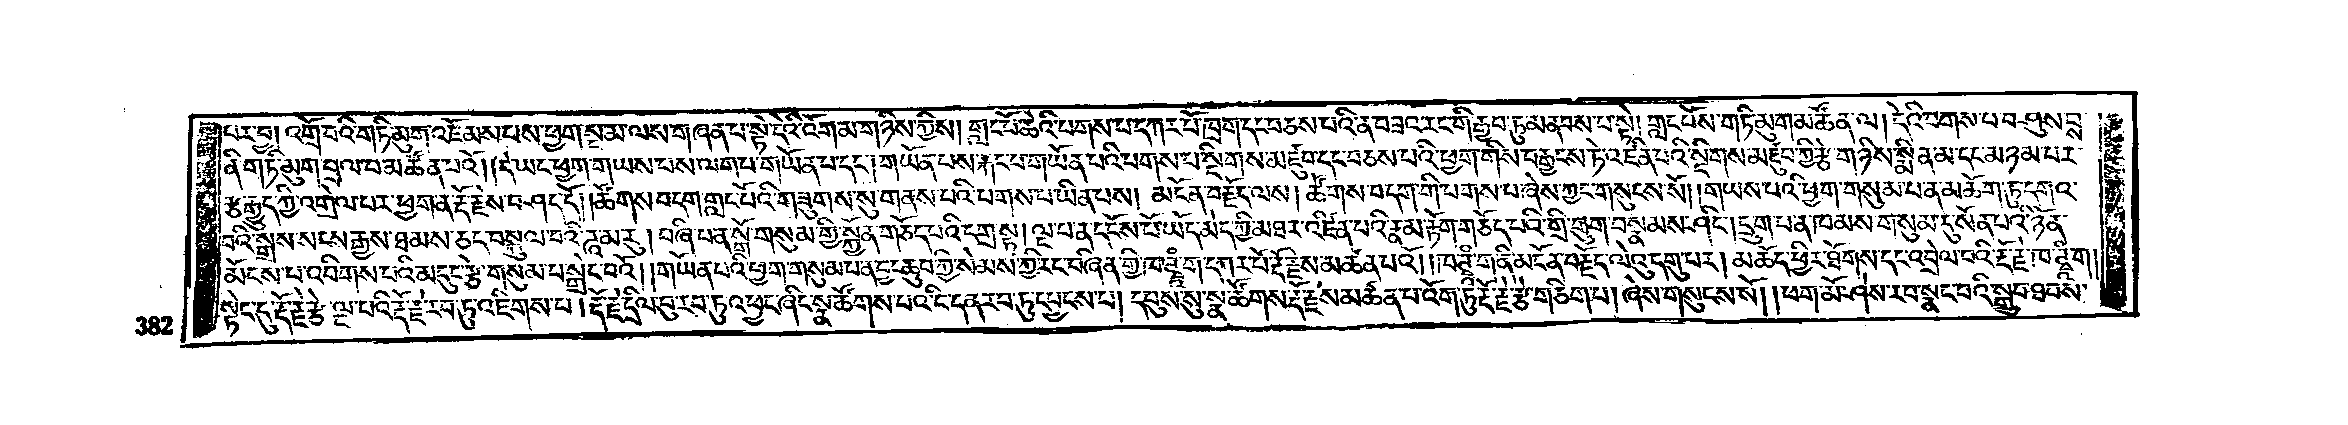པར་བྱ། འགྲོ་བའི་གཏི་མུག་འཇོམས་པས་ཕྱག་སྔ་མ་ལས་གཞན་པ་སྟེ་དེའི་འོག་མ་གཉིས་ཀྱིས། གླང་པོ་ཆེའི་པགས་པ་དཀར་པོ་ཁྲག་དང་བཅས་པའི་ན་བཟའ་རང་གི་རྒྱབ་ཏུ་མནབས་པ་སྟེ། གླང་པོས་གཏི་མུག་མཚོན་ལ། དེའི་པགས་པ་བཤུས་པས་
ནི་གཏི་མུག་བྲལ་བ་མཚོན་པའོ། །དེ་ཡང་ཕྱག་གཡས་པས་ལག་པ་གཡོན་པ་དང་། གཡོན་པས་རྐང་པ་གཡོན་པའི་པགས་པ་སྡིགས་མཛུབ་དང་བཅས་པའི་ཕྱག་གིས་བརྒྱངས་ཏེ་འཛིན་པའི་སྡིགས་མཛུབ་ཀྱི་རྩེ་གཉིས་སྨིན་མ་དང་མཉམ་པར་
རྩ་རྒྱུད་ཀྱི་འགྲེལ་པར་ཕྱག་ན་རྡོ་རྗེས་བཤད་དོ། །ཚོགས་བདག་གླང་པོའི་གཟུགས་སུ་གནས་པའི་པགས་པ་ཡིན་པས། མངོན་བརྗོད་ལས། ཚོགས་བདག་གི་པགས་པ་ཞེས་ཀྱང་གསུངས་སོ། །གཡས་པའི་ཕྱག་གསུམ་པ་ན་མཆོག་ཏུ་དགའ་
བའི་སྒྲས་སངས་རྒྱས་ཐམས་ཅད་བསྐུལ་བའི་ཌཱ་མ་རུ། བཞི་པ་ན་སྒོ་གསུམ་གྱི་སྐྱོན་གཅོད་པའི་དགྲ་སྟེ། ལྔ་པ་ན་དངོས་པོ་ཡོད་མེད་ཀྱི་མཐར་འཛིན་པའི་རྣམ་རྟོག་གཅོད་པའི་གྲི་གུག་བསྣམས་ཤིང་། དྲུག་པ་ན་ཁམས་གསུམ་དུ་སོན་པའི་ཉོན་
མོངས་པ་འབིགས་པའི་མདུང་རྩེ་གསུམ་པ་སྒྲེང་བའོ། །གཡོན་པའི་ཕྱག་གསུམ་པ་ན་བྱང་ཆུབ་ཀྱི་སེམས་ཀྱི་རང་བཞིན་གྱི་ཁ་ཊྭཱཾ་ག་དཀར་པོ་རྡོ་རྗེས་མཚན་པའོ། །ཁ་ཊྭཱཾ་ག་ནི་མངོན་བརྗོད་ལེའུ་དགུ་པར། མཆོད་ཕྱིར་ཐོགས་དང་འབྲེལ་བའི་རྡོ་རྗེ་ཁ་ཊྭཱཾ་ག །
སྟེང་དུ་རྡོ་རྗེ་རྩེ་ལྔ་པའི་རྡོ་རྗེ་རབ་ཏུ་འཇིགས་པ། རྡོ་རྗེ་དྲིལ་བུ་རབ་ཏུ་འཕྱང་ཞིང་སྣ་ཚོགས་པའི་བ་དན་རབ་ཏུ་དཔྱངས་པ། དབུས་སུ་སྣ་ཚོགས་རྡོ་རྗེས་མཚན་པ་འོག་ཏུ་རྡོ་རྗེ་རྩེ་གཅིག་པ། ཞེས་གསུངས་སོ། །ཕག་མོ་ཤེས་རབ་སྣང་བའི་སྒྲུབ་ཐབས་